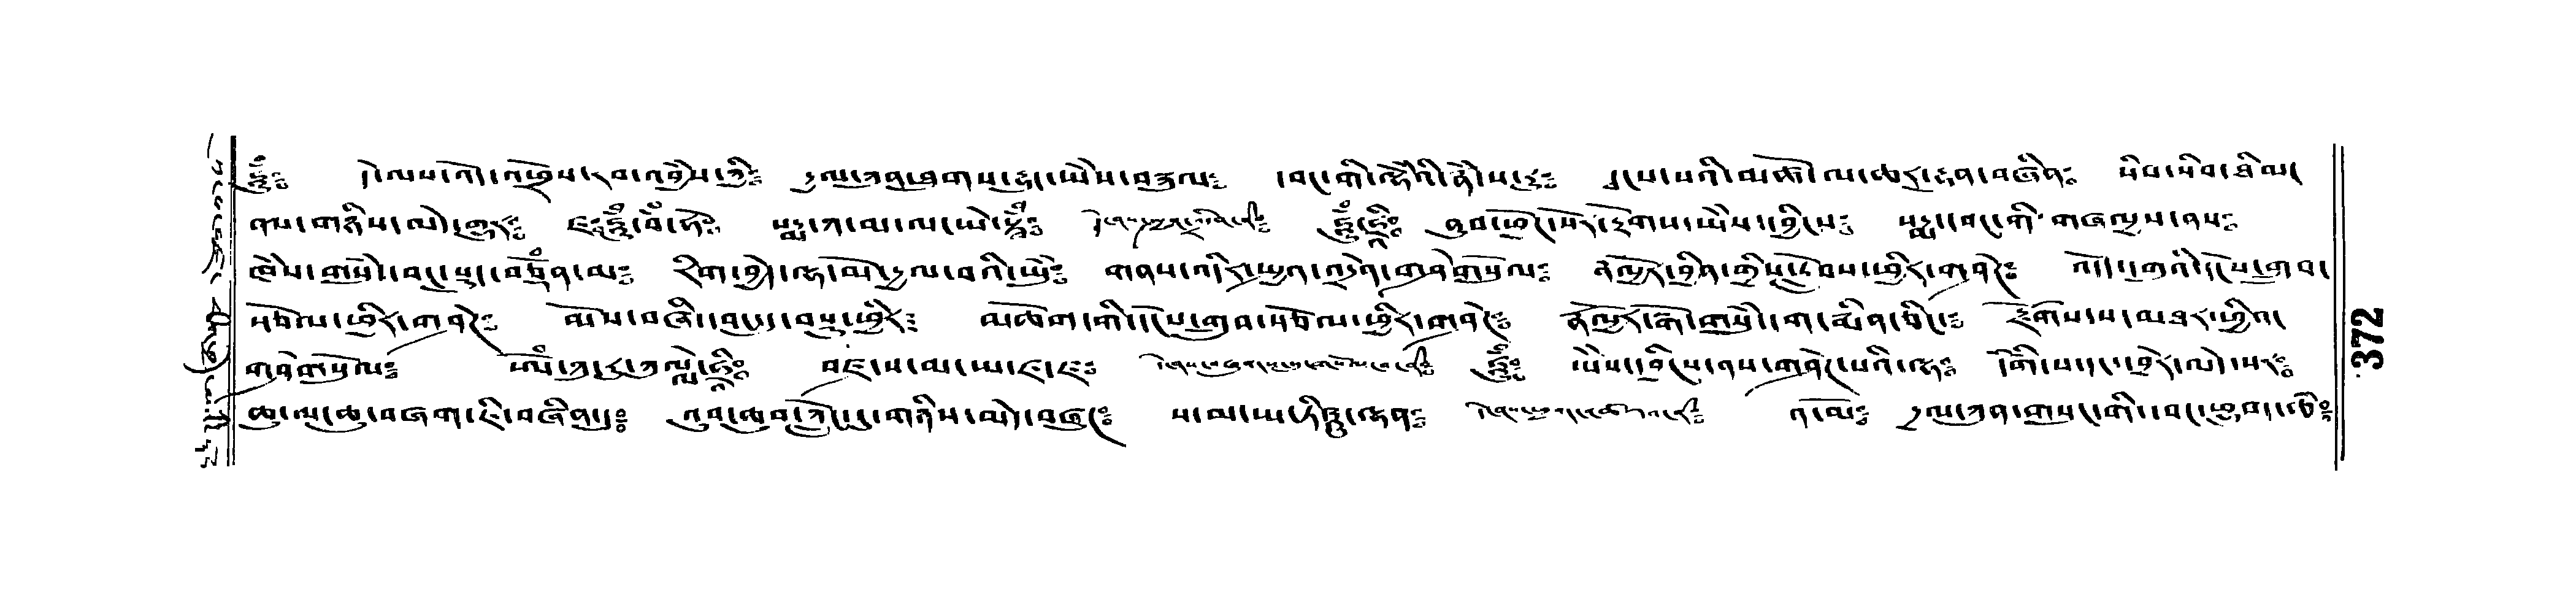ཧཱུྃ༔ དེ་ལས་འོད་འཕྲོས་རབ་འབྱམས་ཀྱི༔ རྒྱལ་ཀུན་ཐུགས་རྒྱུད་ཡེ་ཤེས་བསྐུལ༔ དབང་གི་ལྷ་མོའི་རྣམ་པ་རུ༔ དྭངས་པའི་མཚོ་ལ་ཆར་རྒྱུན་བཞིན༔ སིབ་སིབ་ཐིམ་
ནས་གཉིས་མེད་གྱུར༔ ཛཿཧཱུྃ་བྃ་ཧོཿ པདྨ་ཀ་མ་ལ་ཡེ་སྟྭྃ༔ དེ་ནས་སྤྱན་འདྲེན་ནི༔ ཧཱུྃ་ཧྲཱིཿ ནུབ་ཕྱོགས་སོར་རྟོགས་ཡེ་ཤེས་དབྱིངས༔ པདྨ་དབང་གི་གཞལ་ཡས་ནས༔ 
ཁམས་གསུམ་དབང་བསྡུད་བཅོམ་ལྡན་མ༔ རིག་བྱེད་ལྷ་མོ་རྒྱལ་བའི་ཡུམ༔ གནས་འདིར་སྤྱན་འདྲེན་གཤེགས་སུ་གསོལ༔ རྣལ་འབྱོར་བྱིན་གྱིས་རློབས་ཕྱིར་གཤེགས༔ འདོད་དགུའི་དངོས་གྲུབ་
སྩོལ་ཕྱིར་གཤེགས༔ མོས་བཞི་དབང་དུ་བསྡུ་ཕྱིར༴ མཆོག་གི་དངོས་གྲུབ་སྩོལ་ཕྱིར་གཤེགས༔ རྣལ་འབྱོར་སྒོ་གསུམ་དག་སྨིན་ཅིང༔ རྫོགས་པ་མཐར་ཕྱིན་
གཤེགས་སུ་གསོལ༔ ཨོཾ་ཀུ་རུ་ཀུལླེ་ཧྲཱིཿ བཛྲ་ས་མ་ཡ་ཛ་ཛཿ དེ་ནས་བཞུགས་སུ་གསོལ་བ་ནི༔ ཧཱུྃ༔ ཡེ་ཤེས་དབྱིངས་ནས་གཤེགས་པའི་ལྷ༔ དམ་ཚིག་པ་དང་དབྱེར་མེད་པར༔ 
ཆུ་ལ་ཆུ་བཞག་ཇི་བཞིན་དུ༔ འུབ་ཆུབ་ཀློང་དུ་གཉིས་མེད་བཞུགས༔ ས་མ་ཡ་ཏིཥྛ་ལྷན༔ དེ་ནས་ཕྱག་འཚལ་བ་ནི༔ ན་མོ༔ རྒྱལ་ཀུན་གསུང་གི་དབང་ཕྱུག་ཆེ༔